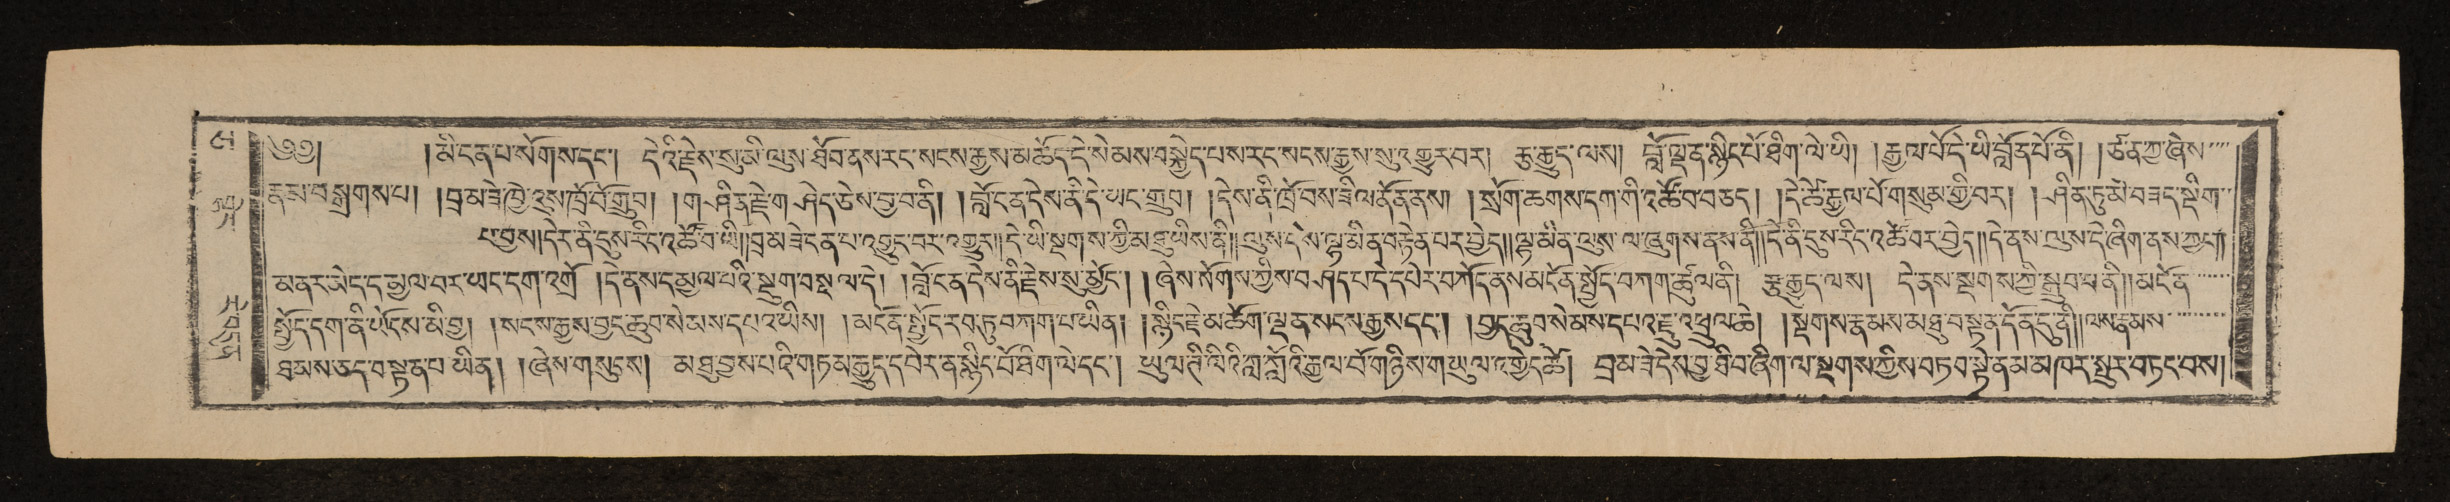༄༅། །མི་ངན་པ་སོགས་དང་། དེའི་རྗེས་སུ་མི་ལུས་ཐོབ་ནས་རང་སངས་རྒྱས་མཆོད་དེ་སེམས་བསྐྱེད་བས་རང་སངས་རྒྱས་སུ་འགྱུར་བར། རྩ་རྒྱུད་ལས། བློ་ལྡན་སྙིང་པོ་ཐིག་ལེ་ཡི། །རྒྱལ་པོ་དེ་ཡི་བློན་པོ་ནི། །ཙ་ན་ཀྱ་ཞེས་
རྣམ་བསྒྲགས་པ། །བྲམ་ཟེ་ཁྱེའུས་ཁྲོ་བོ་གྲུབ། །གཤིན་རྗེ་གཤེད་ཅེས་བྱ་བ་ནི། །བློ་ངན་དེས་ནི་དེ་ཡང་གྲུབ། །དེས་ནི་ཁྲོ་བས་ཟིལ་ནོན་ནས། །སྲོག་ཆགས་དག་གི་འཚོ་བ་བཅད། །དེ་ཚེ་རྒྱལ་པོ་གསུམ་གྱི་བར། །ཤིན་ཏུ་མི་བཟད་སྡིག་
པ་བྱས། །དེར་ནི་དུས་རིང་འཚོ་བ་ཡི། །བྲམ་ཟེ་ངན་པ་འབྱུང་བར་འགྱུར། །དེ་ཡི་སྔགས་ཀྱི་མཐུ་ཡིས་ནི། །ལུས་དེས་ལྷ་མིན་བརྟེན་པར་བྱེད། །ལྷ་མིན་ལུས་ལ་ཞུགས་ནས་ནི། །དེ་ནི་དུས་རིང་འཚོ་བར་བྱེད། །དེ་ནས་ལུས་དེ་ཞིག་ནས་ཀྱང་། །
མནར་མེད་དམྱལ་བར་ཡང་དག་འགྲོ་།དེ་ནས་དམྱལ་བའི་སྡུག་བསྔལ་དེ། །བློ་ངན་དེས་ནི་རྗེས་སུ་མྱོང་། །ཞེས་སོགས་ཀྱིས་བཤད་པ་དེ་དཔེར་བཀོད་ནས་མངོན་སྤྱོད་བཀག་ཚུལ་ནི། རྩ་རྒྱུད་ལས། དེ་ནས་སྔགས་ཀྱི་སྒྲུབ་པ་ནི། །མངོན་
སྤྱོད་དག་ནི་ཡོངས་མི་བྱ། །སངས་རྒྱས་བྱང་ཆུབ་སེམས་དཔའ་ཡིས། །མངོན་སྤྱོད་རབ་ཏུ་བཀག་པ་ཡིན། །སྙིང་རྗེ་མཆོག་ལྡན་སངས་རྒྱས་དང་། །བྱང་ཆུབ་སེམས་དཔའ་རྫུ་འཕྲུལ་ཆེ། །སྔགས་རྣམས་མཐུ་བསྟན་དོན་དུ་ནི། །ལས་རྣམས་
ཐམས་ཅད་བསྟན་པ་ཡིན། །ཞེས་གསུངས། མཐུ་བྱས་པའི་གཏམ་རྒྱུད་དཔེར་ན་སྙིང་པོ་ཐིག་ལེ་དང་། ཡུལ་ཊི་ལིའི་ཀླ་ཀློའི་རྒྱལ་པོ་གཉིས་གཡུལ་འགྱེད་ཚེ། བྲམ་ཟེ་དེས་བྱ་ཐིབ་ཞིག་ལ་སྔགས་ཀྱིས་བཏབ་སྟེ་ནམ་མཁར་སྤུར་བཏང་བས།